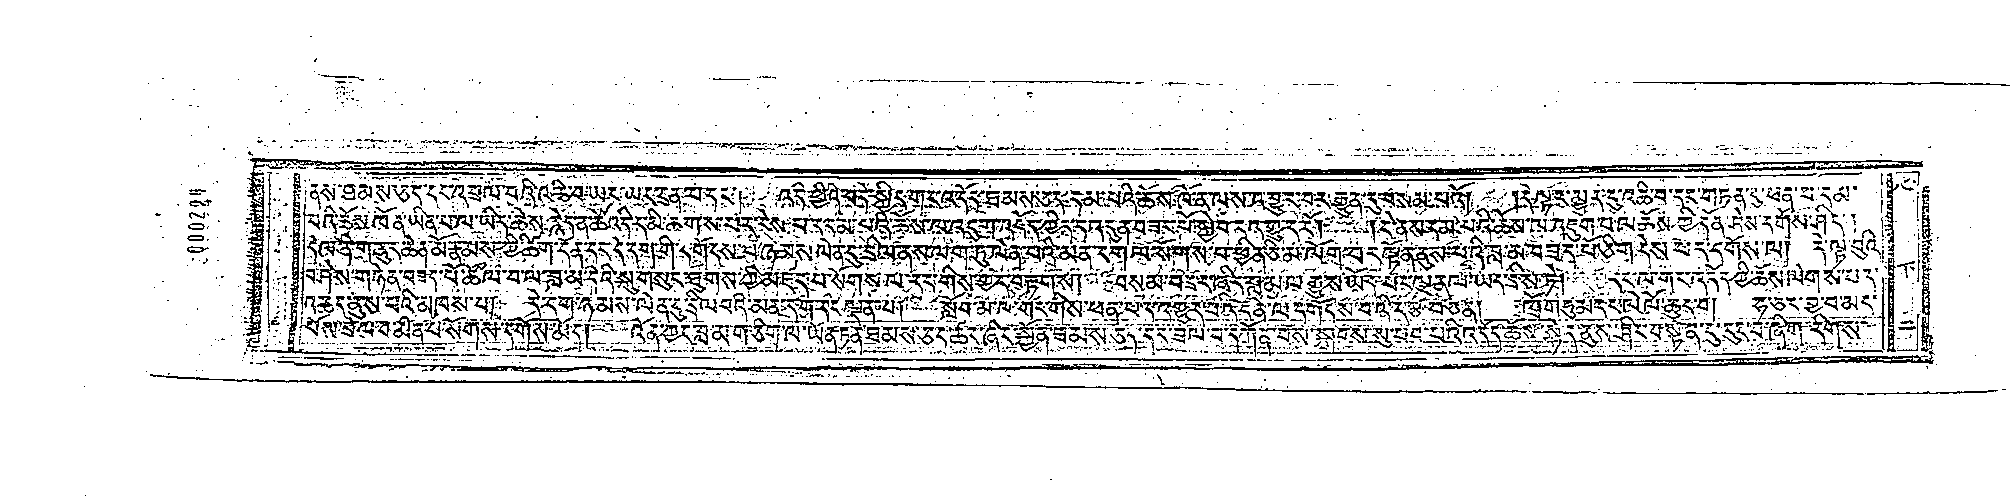ནས་ཐམས་ཅད་དང་འབྲལ་བའི་འཆི་བ་ཡང་ཡང་དྲན་པ་དང་། འདི་ཕྱིའི་བདེ་སྐྱིད་གང་འདོད་ཐམས་ཅད་དམ་པའི་ཆོས་ཁོ་ནས་ལས་འབྱུང་བར་རྒྱུན་དུ་བསམ་པའོ། །དེ་ལྟར་མྱུར་དུ་འཆི་བ་དང་གཏན་དུ་ཕན་པ་དམ་
པའི་ཆོས་ཁོ་ན་ཡིན་པ་ལ་ཡིད་ཆེས་རྙེད་ན་ཚེ་འདིར་མི་ཆགས་པར་ངེས་པར་དམ་པའི་ཆོས་ལ་འཇུག་འདོད་ཀྱི་དད་འདུན་བཟང་པོ་སྐྱེ་བར་འགྱུར་རོ། །དེ་ནས་དམ་པའི་ཆོས་ལ་འཇུག་པ་ལ་ཆོས་ཀྱི་དོན་ཤེས་དགོས་ཤིང་།
དེལ་ནི་གཞུང་ཆེན་མོ་རྣམས་ཀྱི་ཚིག་དོན་དང་དེ་དག་གི་དགོངས་པ་ཉམས་ལེན་དུ་དྲིལ་ནས་ལག་ཏུ་ལེན་པའི་མན་ངག་ལ་སོགས་པ་ཕྱིན་ཅི་མ་ལོག་བར་ལྟོན་ནུས་པའི་བླ་མ་བཟང་པོ་ཅིག་ངེས་པར་དགོས་ལ། དེ་ལྟ་བུའི་
བཤེས་གཉེན་བཟང་པོ་ཚོལ་བ་ལ་བླ་མ་དེའི་སྐུ་གསུང་ཐུགས་ཀྱི་མཛད་པ་སོགས་ལ་རང་གིས་ཀྱང་བརྟགས། བསམ་བ་དྲད་ཞིང་བླ་མ་ལ་རྒྱུས་ཡོད་པར་ལྡན་ལ་ཡང་དྲིས་ཏེ། རང་ལ་གང་འདོད་ཀྱི་ཆོས་ལེགས་པར་
འཆང་ནུས་པའི་མཁས་པ། དེ་དག་ཉམས་ལེན་དུ་དྲིལ་བའི་མན་ངག་དང་ལྡན་པ། སློབ་མ་ལ་གང་གིས་ཕན་པར་འགྱུར་པའི་དོན་ལ་དགོངས་བ་འདི་རྩ་བ་ཅན། ཁྲོ་གཏུམ་དང་ལེ་ལོ་ཆུང་བ། ཧ་ཅང་བྱ་བ་མང་
པོས་བྲེལ་བ་མིན་པ་སོགས་དགོས་མོད། འོན་ཀྱང་བླ་མ་གཅིག་ལ་ཡོན་ཏན་ཐམས་ཅད་ཚང་ཞིང་སྐྱོན་ཐམས་ཅད་དང་བྲལ་བ་དཀོན་བས་སྐབས་སུ་བབ་པའི་འདོད་ཆོས་སྟེར་ནུས་ཤིང་བསྟན་དུ་རུང་བ་ཞིག་རིགས་